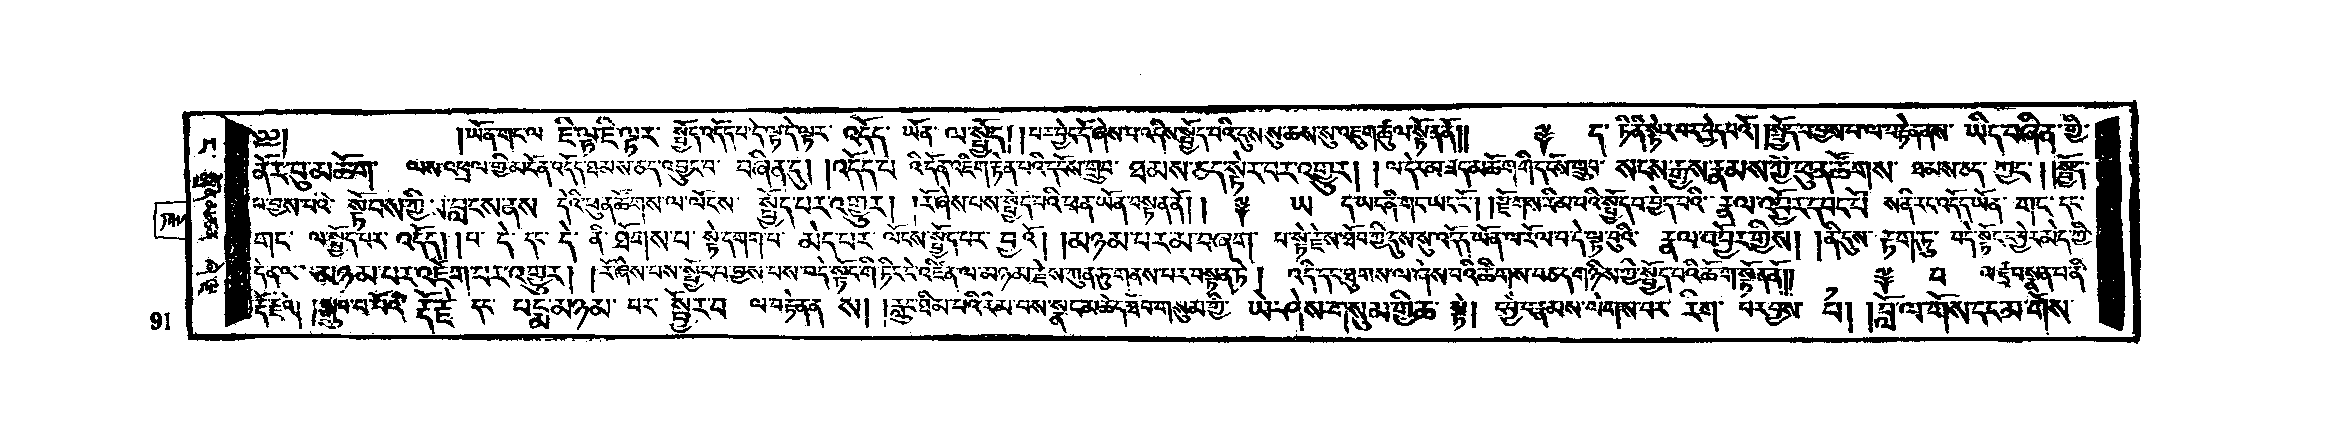༄༅། །ཡོན་གང་ལ་ཇི་ལྟ་ཇི་ལྟར་སྤྱོད་འདོད་པ་དེ་ལྟ་དེ་ལྟར་འདོད་ཡོན་ལ་སྤྱོད། ། པར་བྱེད་དོ་ཞེས་པ་འདིས་སྤྱོད་པའི་དུས་སུ་ཆོས་སུ་འཇུག་ཚུལ་སྟོན་ནོ།།  ༈ ད་ཏི་ནི་སྟེར་བར་བྱེད་པའོ། །སྤྱོད་པ་བྱས་པ་ལ་བརྟེན་ནས་ཡིད་བཞིན་གྱི
ནོར་བུ་མཆོག་ལས་འཕྲལ་གྱི་མངོན་འདོད་ཐམས་ཅད་འབྱུང་བ་བཞིན་དུ། །འདོད་པའི་དོན་འཇིག་རྟེན་པའི་དངོས་གྲུབ་ཐམས་ཅད་སྟེར་བར་འགྱུར། ། ལ་དེར་མ་ཟད་མཆོག་གི་དངོས་གྲུབ་སངས་རྒྱས་རྣམས་ཀྱི་ཕུན་ཚོགས་ཐམས་ཅད་ཀྱང་། །སྤྱོད་
པ་བྱས་པའི་སྟོབས་ཀྱིས་བླངས་ནས་དེའི་ཕུན་ཚོགས་ལ་ལོངས་སྤྱོད་པར་འགྱུར། ། རོ་ཞེས་པས་སྤྱོད་པའི་ཕན་ཡོན་བསྟན་ནོ།།  ༈ ཡ་དེ་ཡང་ནི་གང་ཡང་ངོ། །རྫོགས་རིམ་པའི་སྤྱོད་པ་བྱེད་པའི་རྣལ་འབྱོར་དབང་པོ་ས་ནི་རང་འདོད་ཡོན་གང་དང
གང་ལ་སྤྱོད་པར་འདོད། ། པ་དེ་དང་དེ་ནི་ཐོགས་པ་སྟེ་དགག་པ་མེད་པར་ལོངས་སྤྱོད་པར་བྱའོ། །མཉམ་པར་མ་བཞག་པ་སྟེ་རྗེས་ཐོབ་ཀྱི་དུས་སུ་འདོད་ཡོན་ལ་རོལ་པ་དེ་ལྟ་བུའི་རྣལ་འབྱོར་གྱིས། ། ནི་དུས་རྟག་ཏུ་བདེ་སྟོང་དབྱེར་མེད་ཀྱི་
དོན་ལ་མཉམ་པར་འཇོག་པར་འགྱུར། ། རོ་ཞེས་པས་སྤྱོད་པ་བྱས་པས་བདེ་སྟོང་གི་ཏིང་ངེ་འཛིན་ལ་མཉམ་རྗེས་ཀུན་ཏུ་གནས་པར་བསྟན་ཏེ། འདི་དང་ཐུགས་ལ་ཞེས་པའི་ཚིགས་བཅད་གཉིས་ཀྱི་སྤྱོད་པའི་ཆོ་ག་སྟོན་ནོ།།  ༈ བ་ཡ་ཛྲ་བསྣན་པ་ནི་
རྡོ་རྗེའོ། །སྒྲུབ་པ་པོའི་རྡོ་རྗེ་དང་པདམ་མཉམ་པར་སྦྱོར་བ་ལ་བརྟེན་ནས། ། རླུང་ཐིམ་པའི་རིམ་པས་སྣང་མཆེད་ཐོབ་གསུམ་གྱི་ཡེ་ཤེས་གསུམ་གྱི་ཆ་སྟེ། དབྱེ་བ་རྣམས་ལེགས་པར་རིག་པར་བྱས་༡་པ། །བློ་ལ་གོས་དང་མ་གོས་